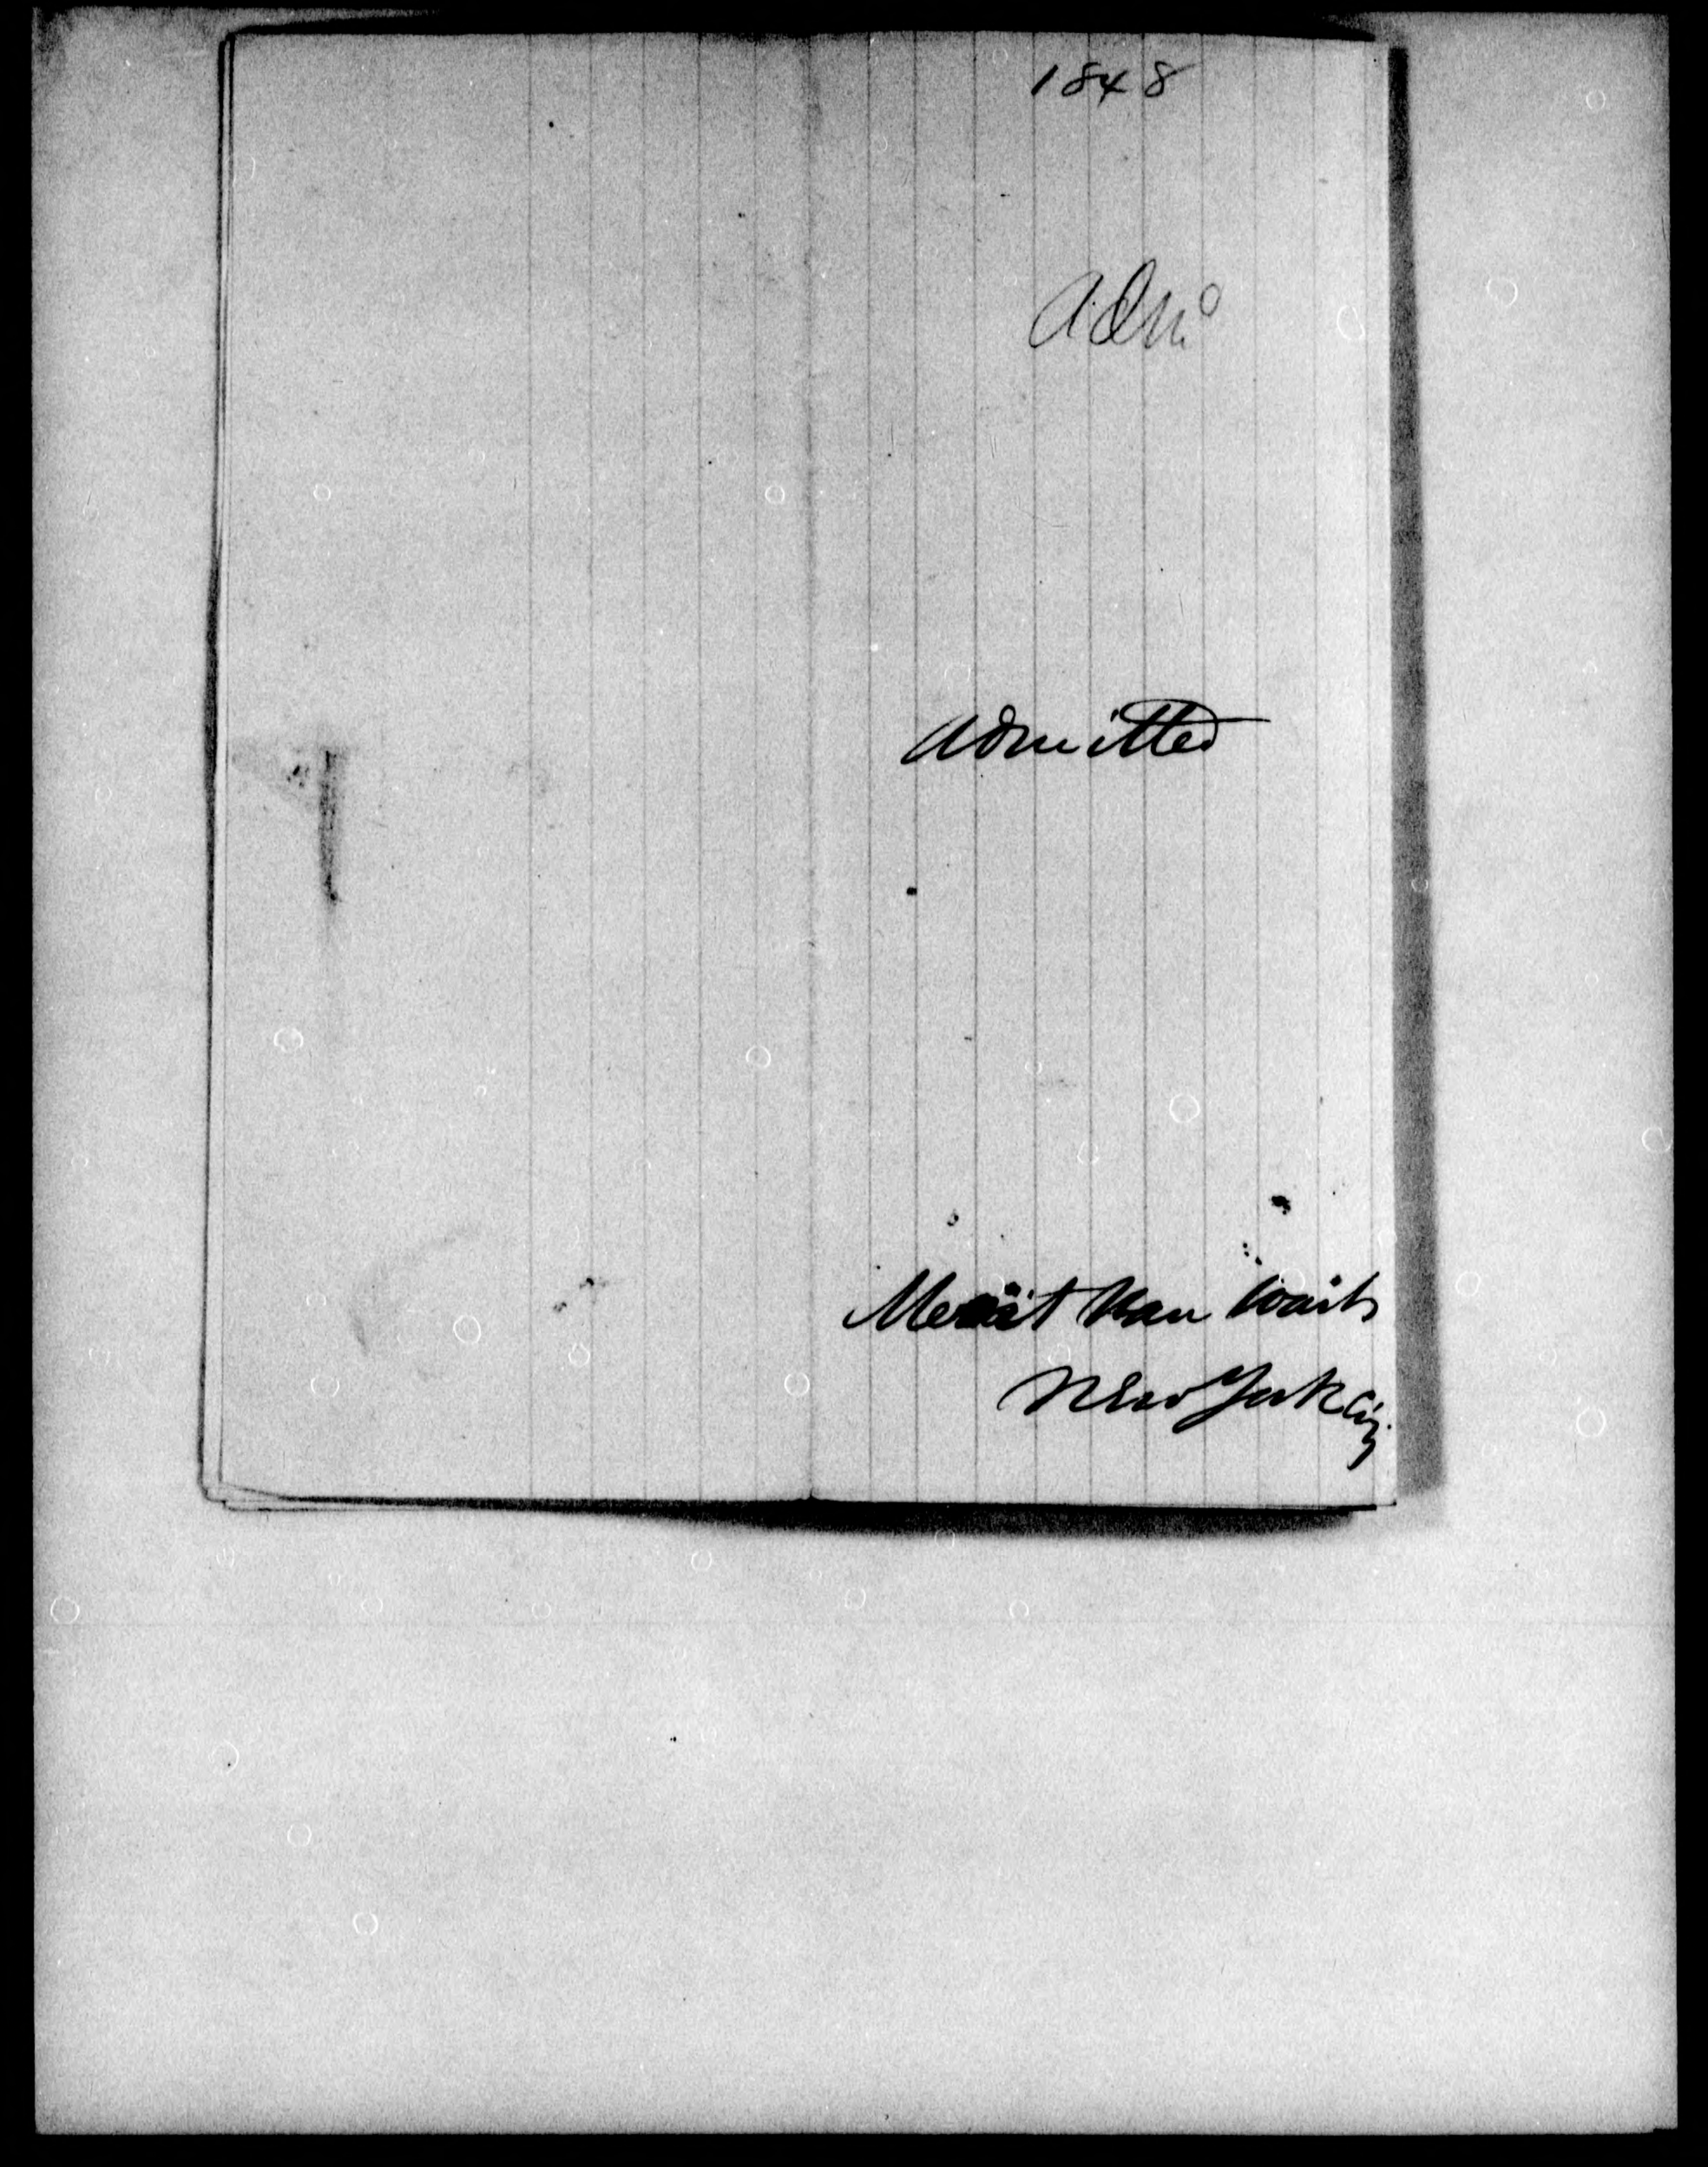1848 
Admd

Admitted 

Merrit Van Wait [Woert]
New York City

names: Merit Van Wart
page: 97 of 102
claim: widow's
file: W. 18239, Isaac Van Wart, New York